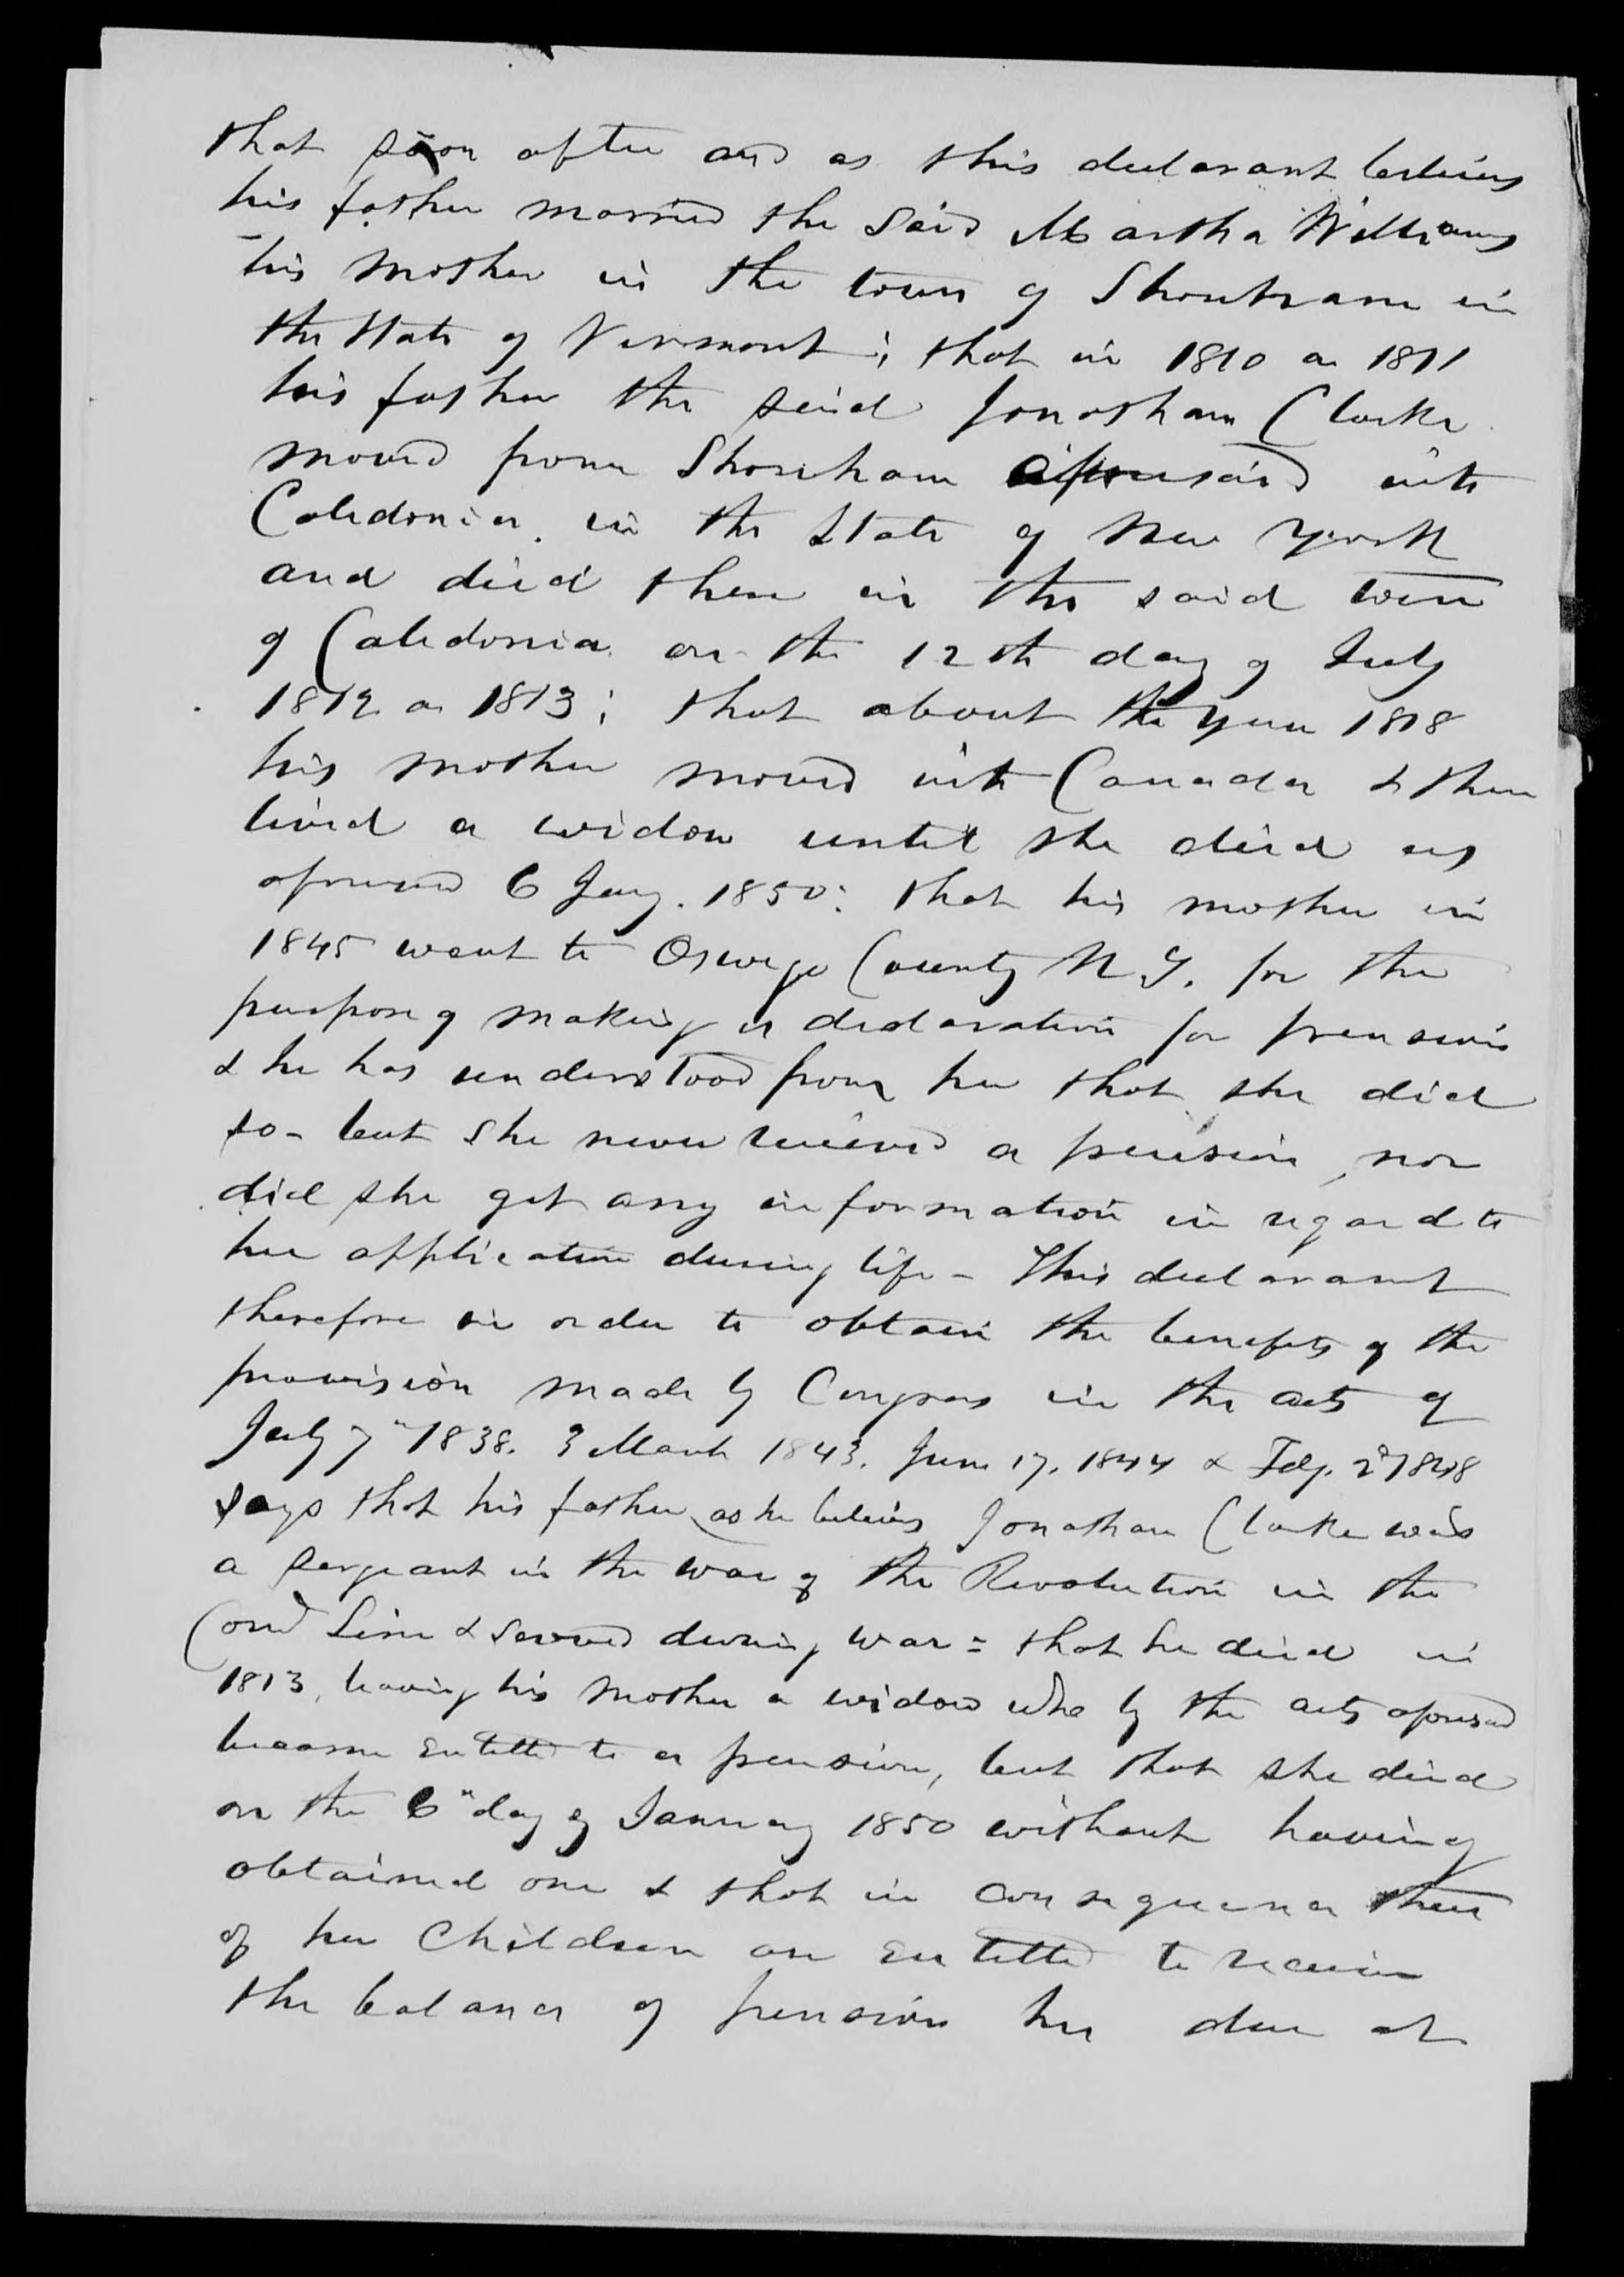that soon after and as this declarant believes his father married the said Martha Williams his mother in the town of Shoreham in the State of Vermont; that in 1810 or 1811 his father the said Jonathan Clarke moved from Shoreham aforesaid into Caledonia in the State of New York and died there in the said town of Caledonia on the 12th day of July 1812 or 1813; that about the year 1818 his mother moved into Canada & then lived a widow until she died as aforesaid 6 Jany. 1850: that his mother in 1845 went to Oswego County NY. for the purpose of making a declaration for pension & he has understood from her that she did so- but she never received a pension, nor did she get any information in regard to her application during life - This declarant therefore in order to obtain the benefits of the provision made by Congress in the act of July 7 1838. & March 1843. June 17, 1844 & Feby. 22d 1848 says that his father as he believes Jonathan Clarke was a sergeant in the war of the Revolution in the Cont Line & served during war = that he died in 1813, leaving his mother a widow who by the acts aforesaid became entitled to a pension, but that she died on the 6th day of January 1850 without having obtained one & that in consequence thereof her children are entitled to receive the balance of pension her due at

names: Martha Williams, Jonathan Clarke, Jonathan Clarke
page: 24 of 26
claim: rejected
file: R. 2001, Jonathan Clark, Conn.